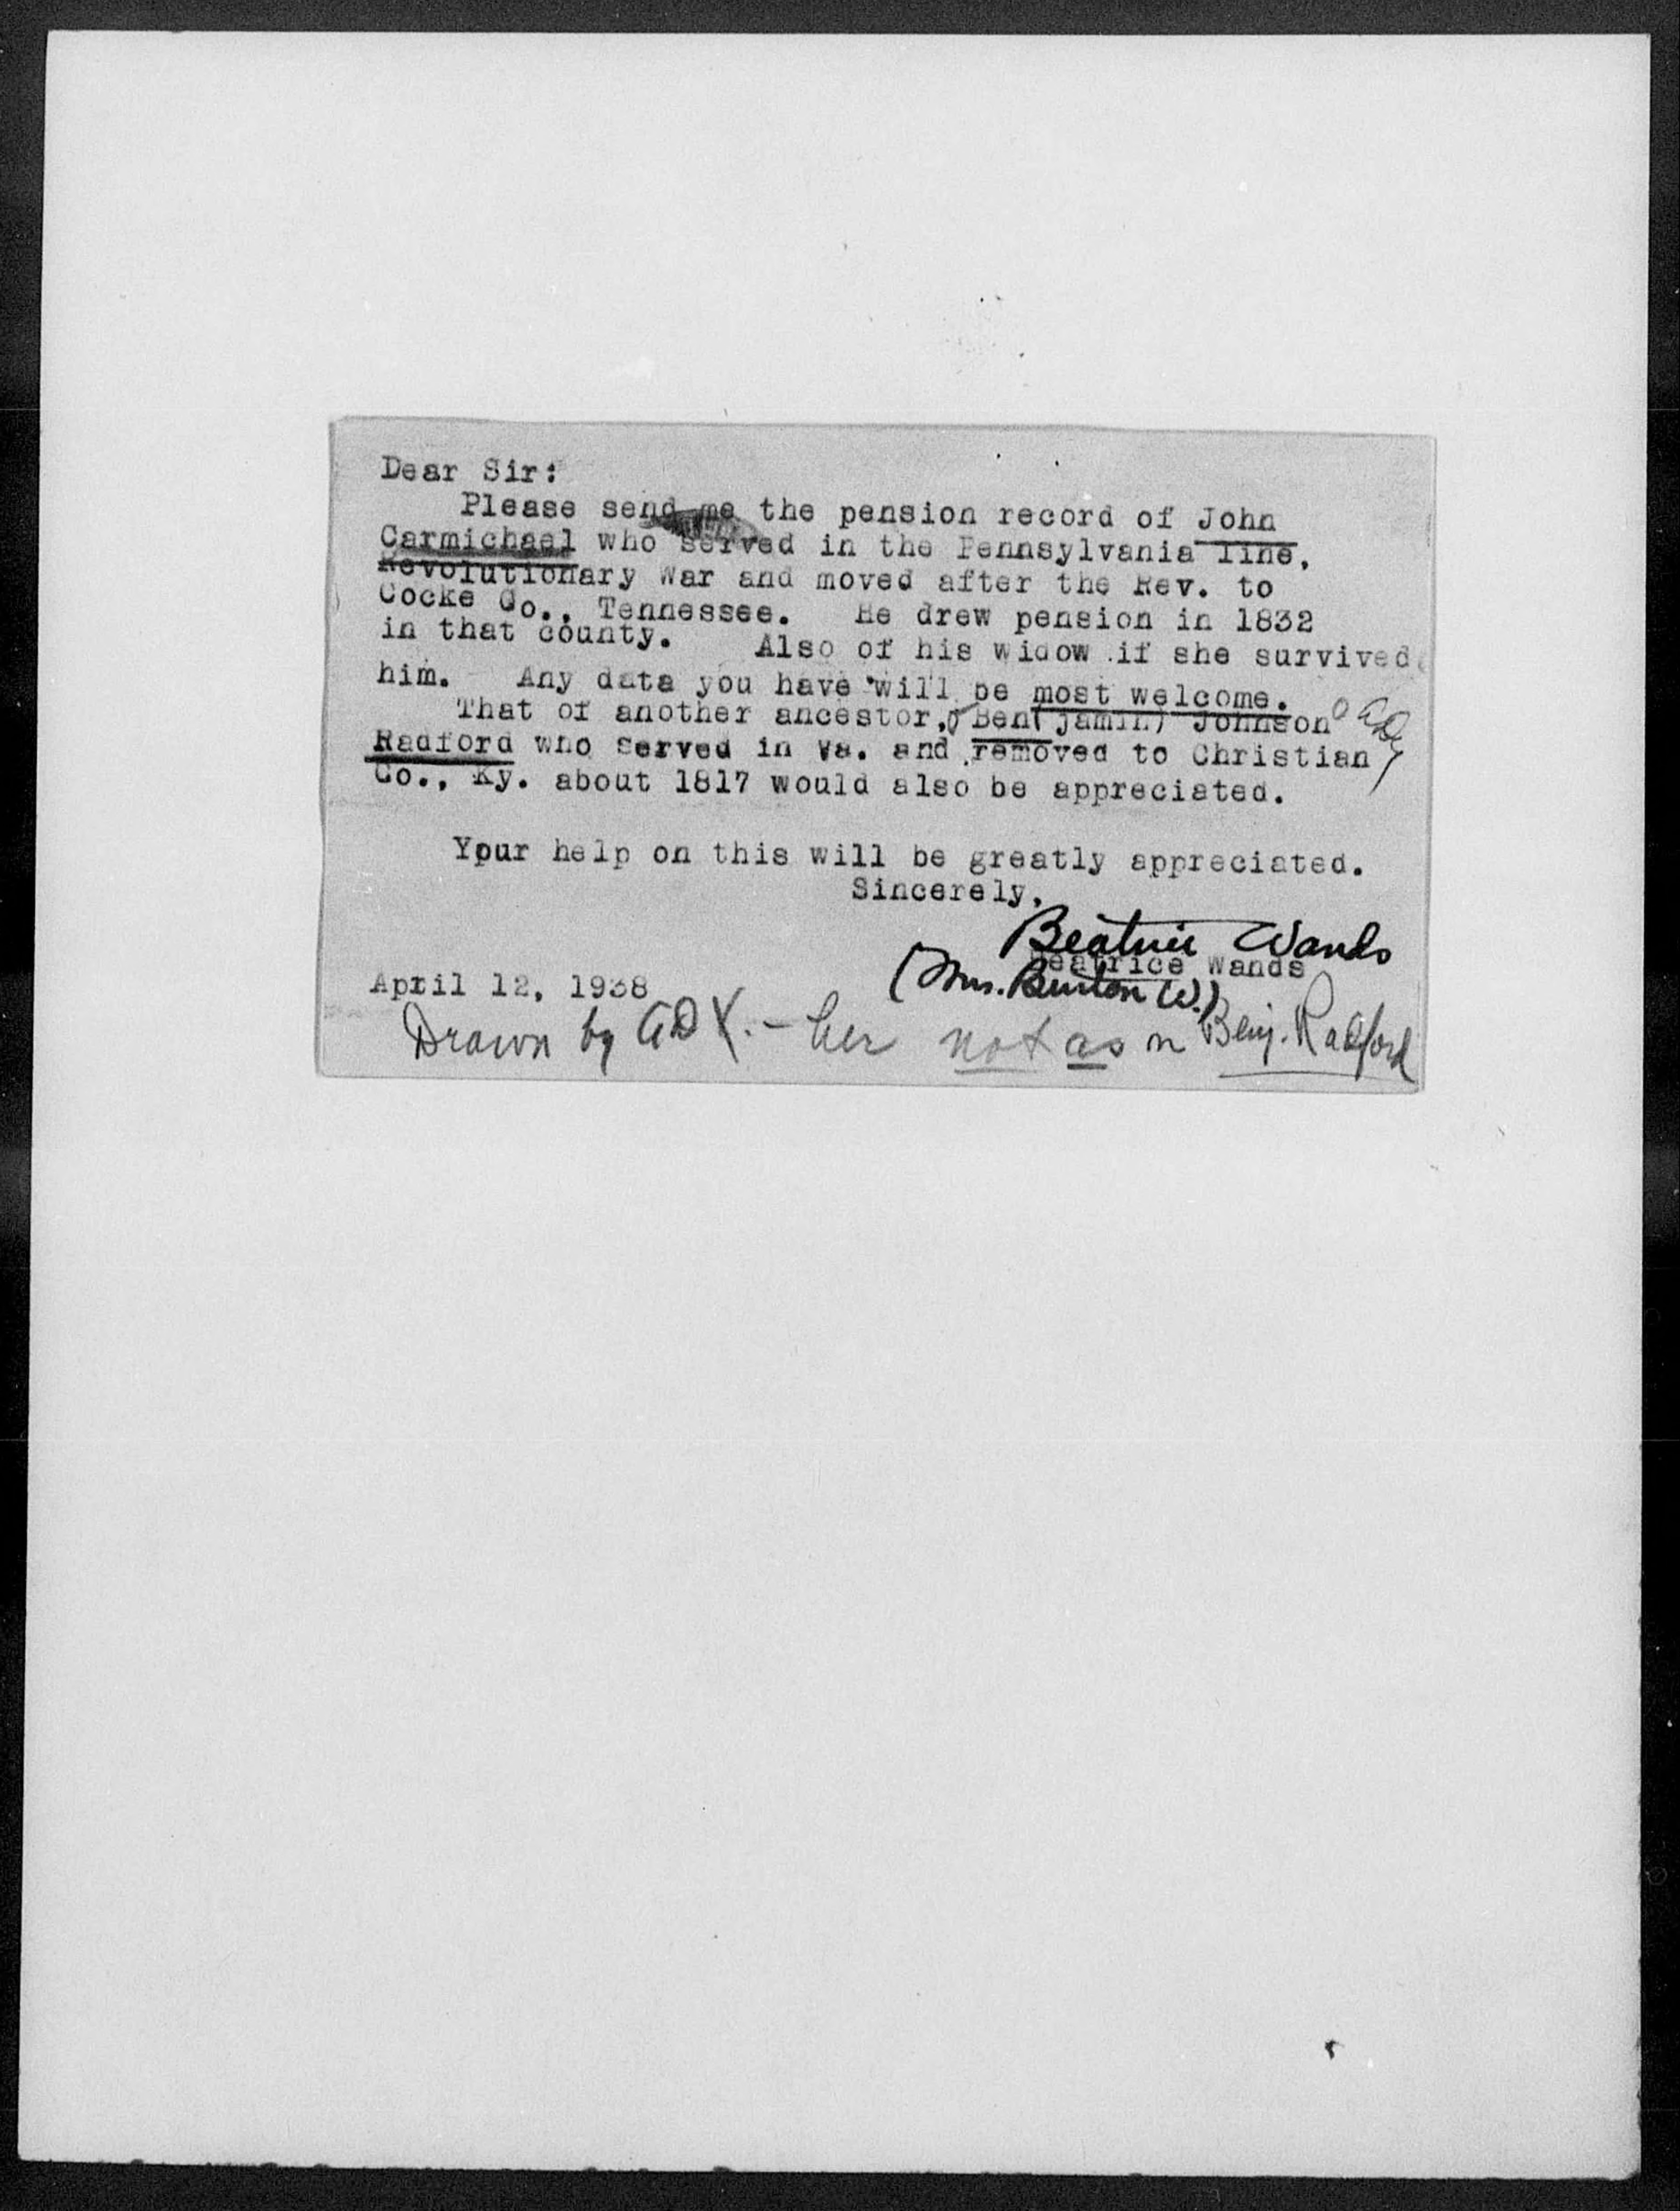Dear Sir:
Please send me the pension record of John
Carmichael who served in the Pennsylvania line,
Revolutionary War and moved after the Rev. to
Cocke Co. Tennessee. He drew pension in 1832
in that county. 
Also of his widow if she survived him.
Any data you have will be most welcome.
That of another ancestor, Benjamin Johnson
Radford who served in Va, and removed to Christian Co., Ky. about 1817 would also be appreciated.
Your help on this will be greatly appreciated.
Sincerely,
Beatrice Wands 
Beatrice Wands 
(Mrs. Burton W.)
April 12, 1938
Drawn by ADX- her not as M Benj Radford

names: Beatrice Wands, John Carmichael, Benjamin Johnson, Benj Radford, Burton W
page: 32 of 42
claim: survivor's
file: S. 31,595, John Carmickele, Penn.